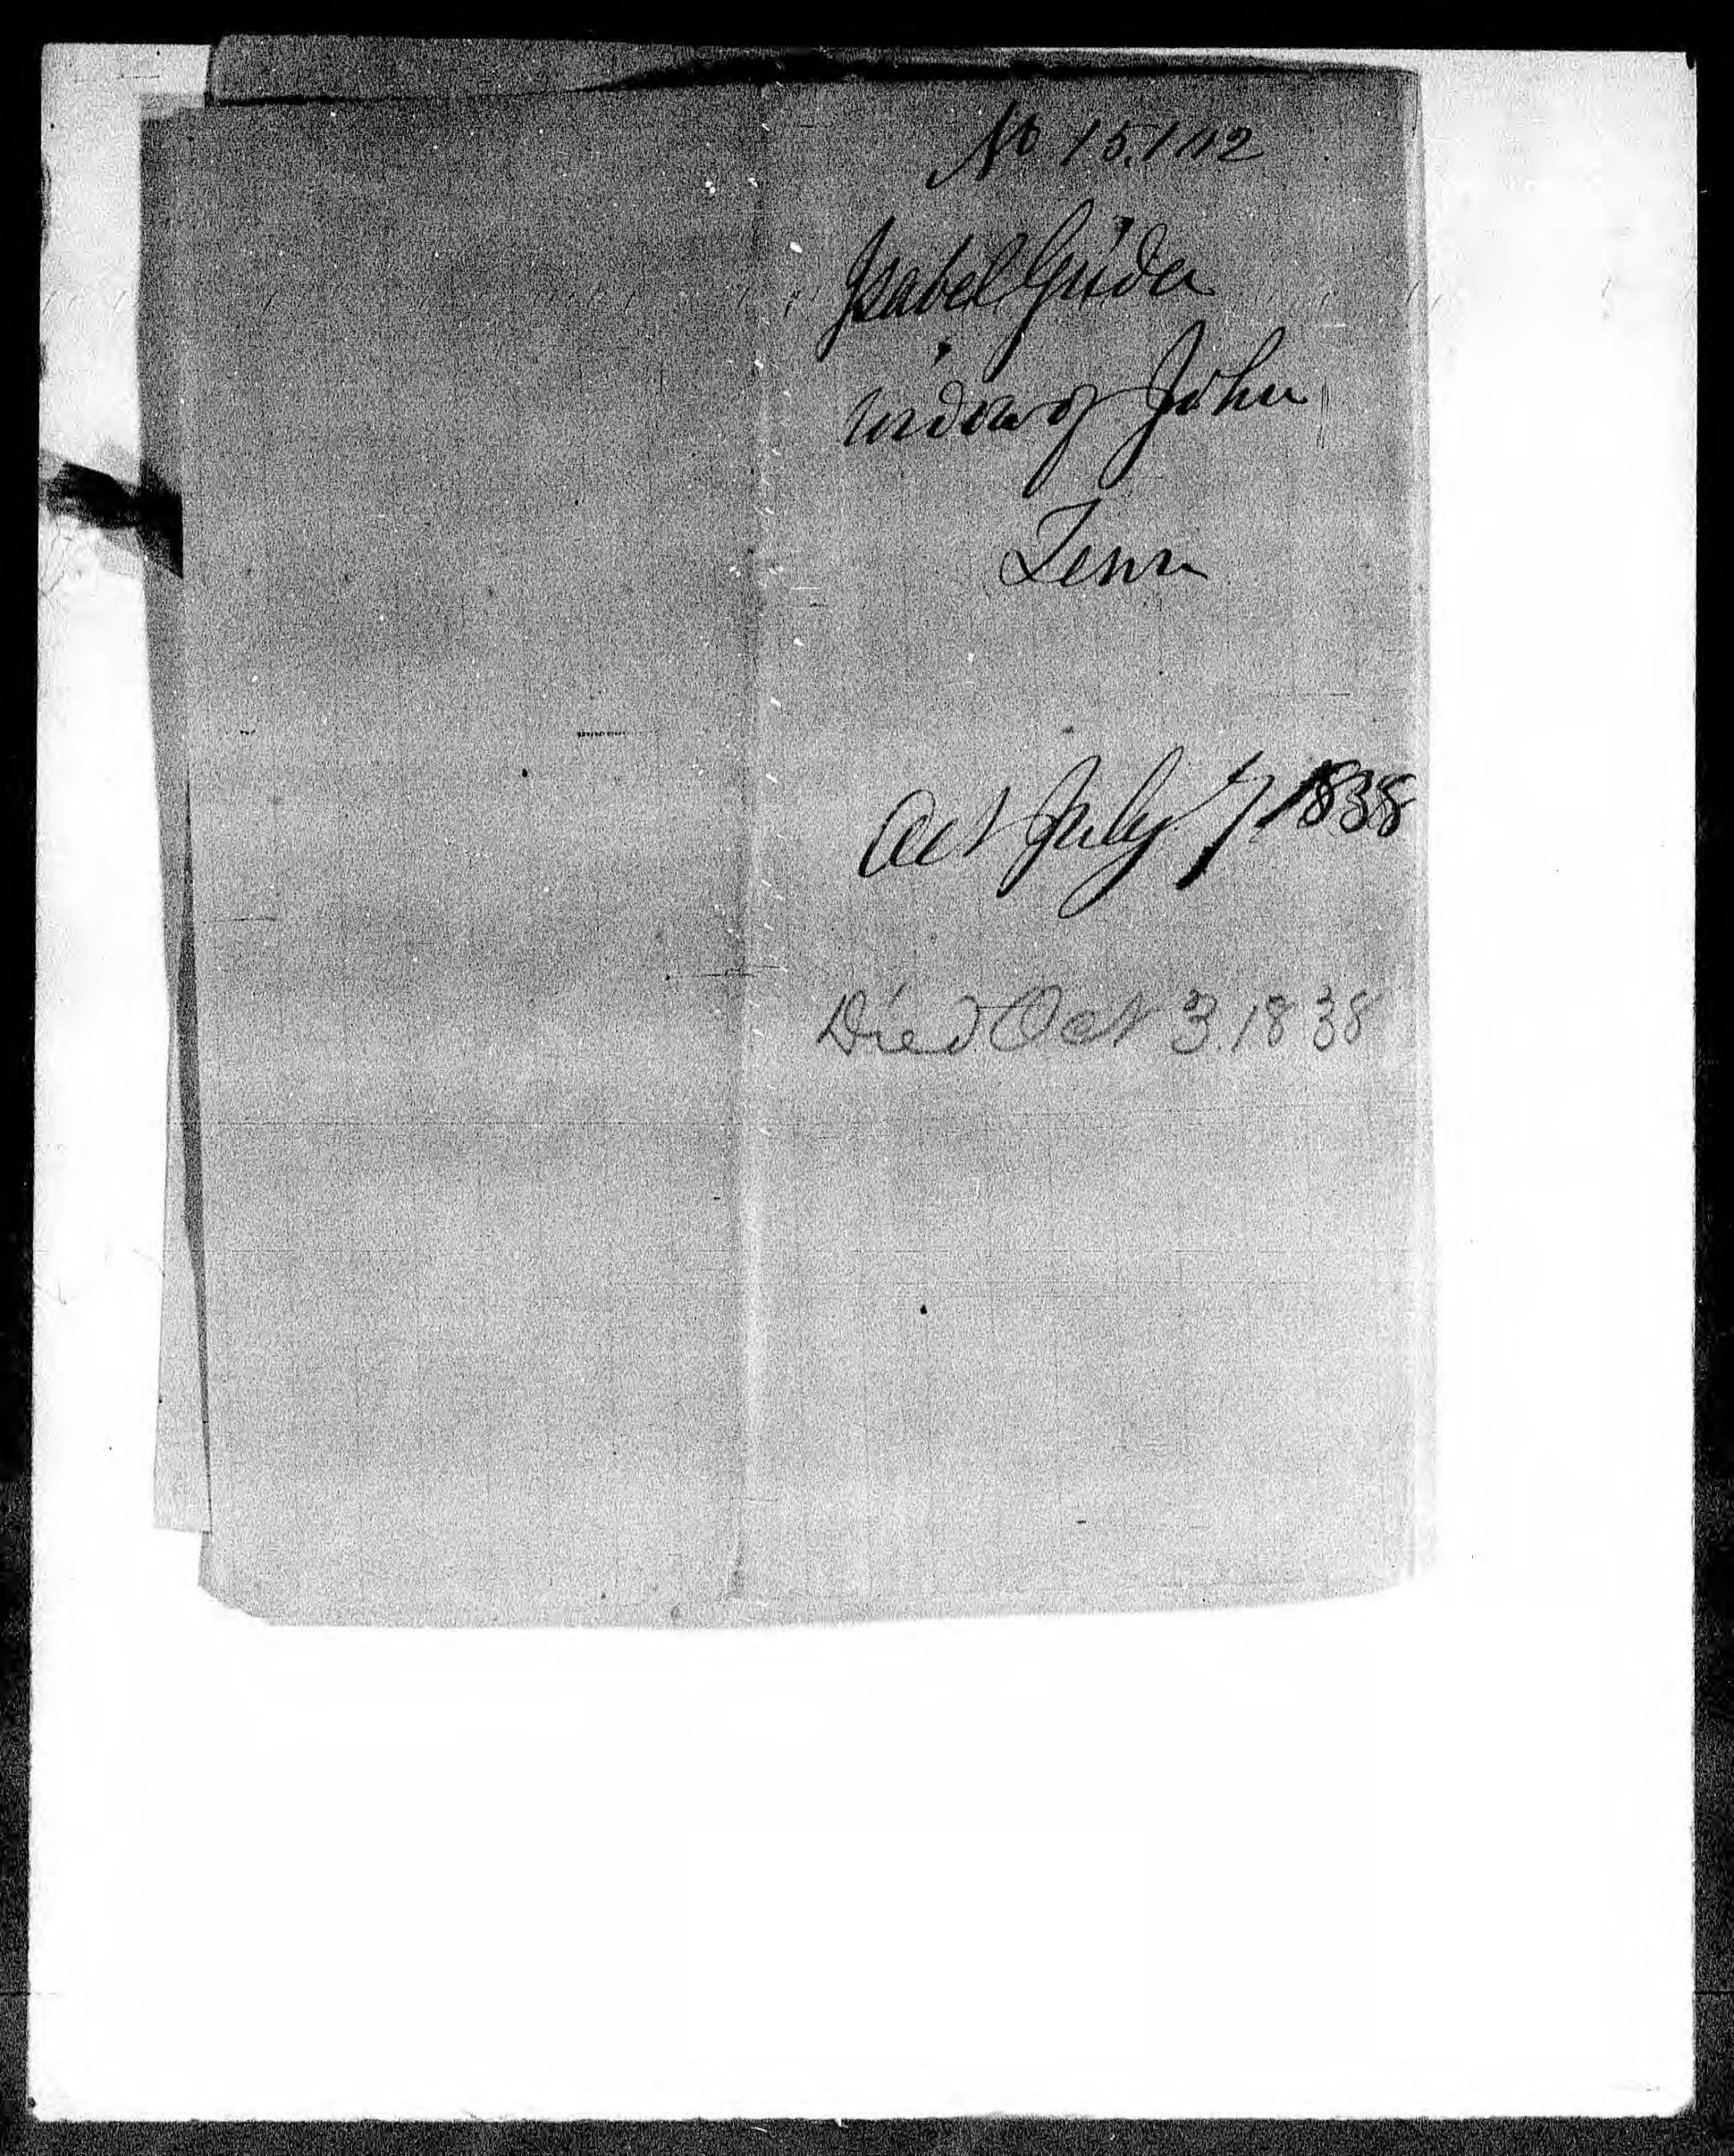No 15, 1112
Isabel Grider
Widow of John
Tenn

Act July 7 1838
Died Oct 3. 1838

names: John Grider, Isabel Grider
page: 18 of 91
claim: widow's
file: W 358, John Grider, N.C.